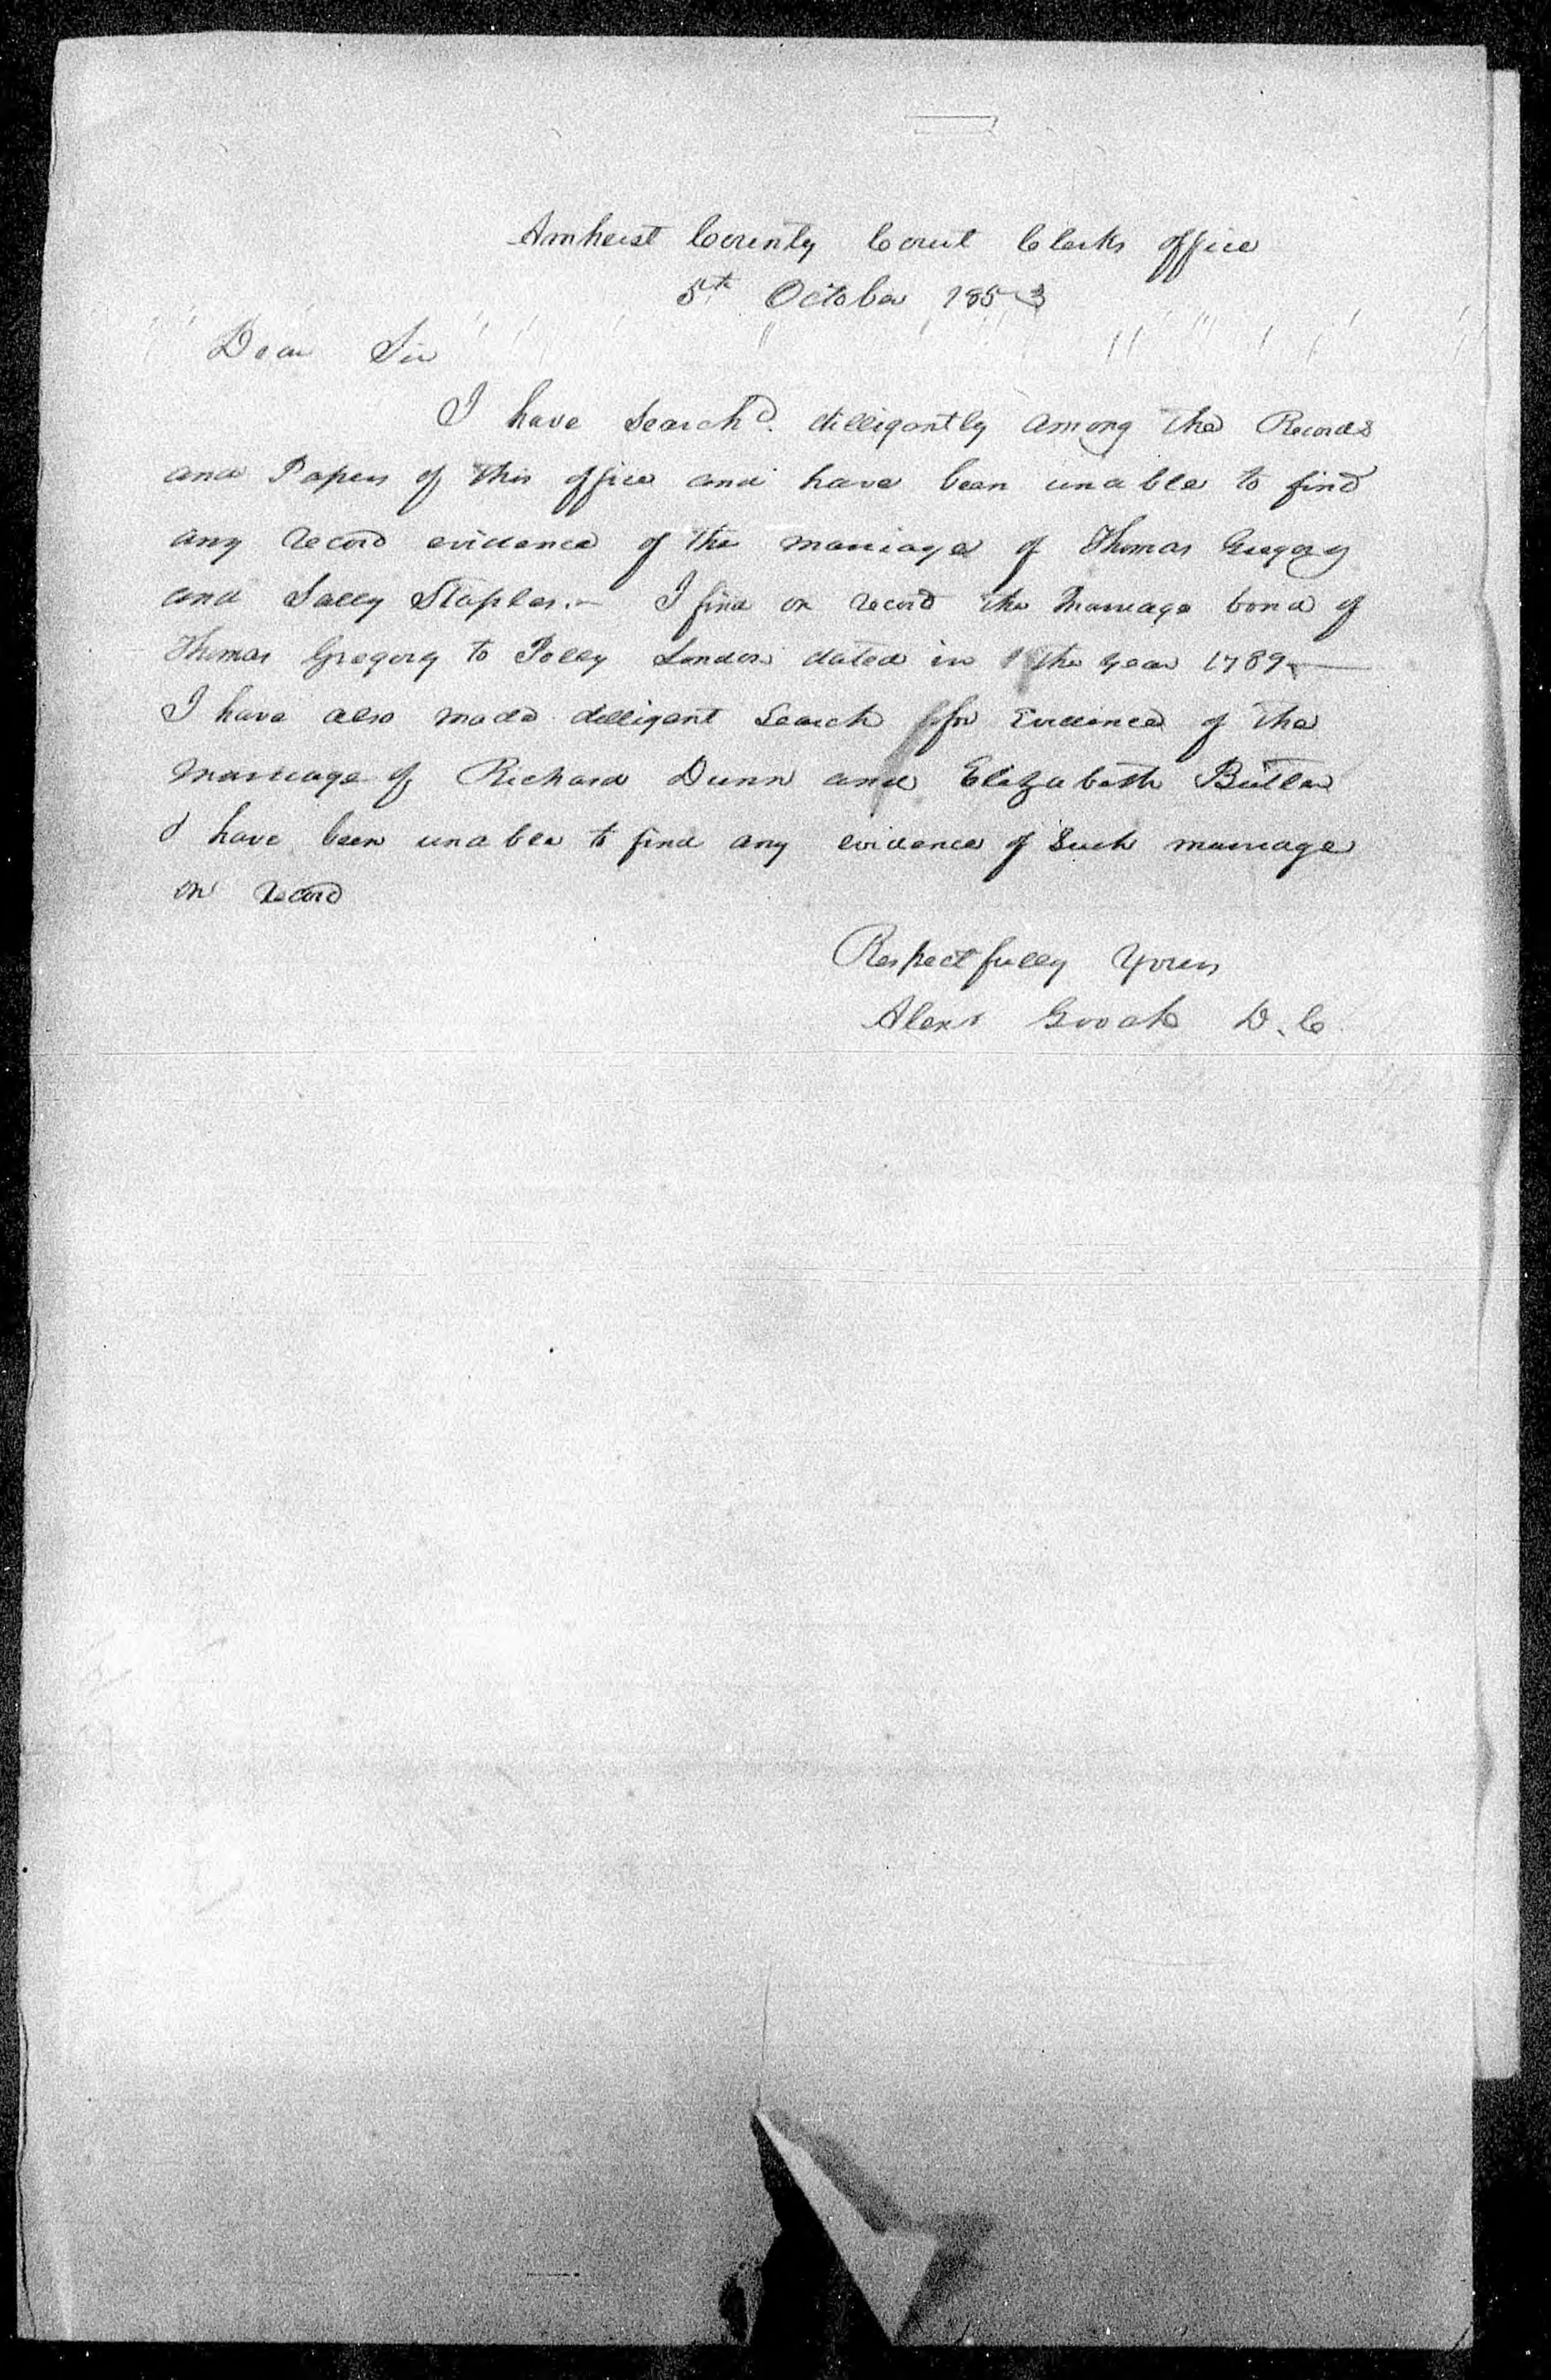Amherst County Court Clerks office
5th October 1853

Dear Sir
I have Search'd dilligantly [sic] among the Records and Papers of this office and have been unable to find any record evidence of the marriage of Thomas Gregory and Sally Staples.  I find on record the marriage bond of Thomas Gregory to Polly Lundon dated in the year 1789--
I have also made dilligant [sic] search for evidence of the marriage of Richard Dunn and Elizabeth Butler & have been unable to find any evidence of such marriage on record.
Respectfully yours
Alex'r Gooch D.C.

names: Thomas Gregory, Polly Londen, Alexr Gooch, Elizabeth Butler, Richard Dunn, Thomas Gregory, Sally Staples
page: 45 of 75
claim: widow's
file: W. 8876, Thomas Gregory, Continental Va